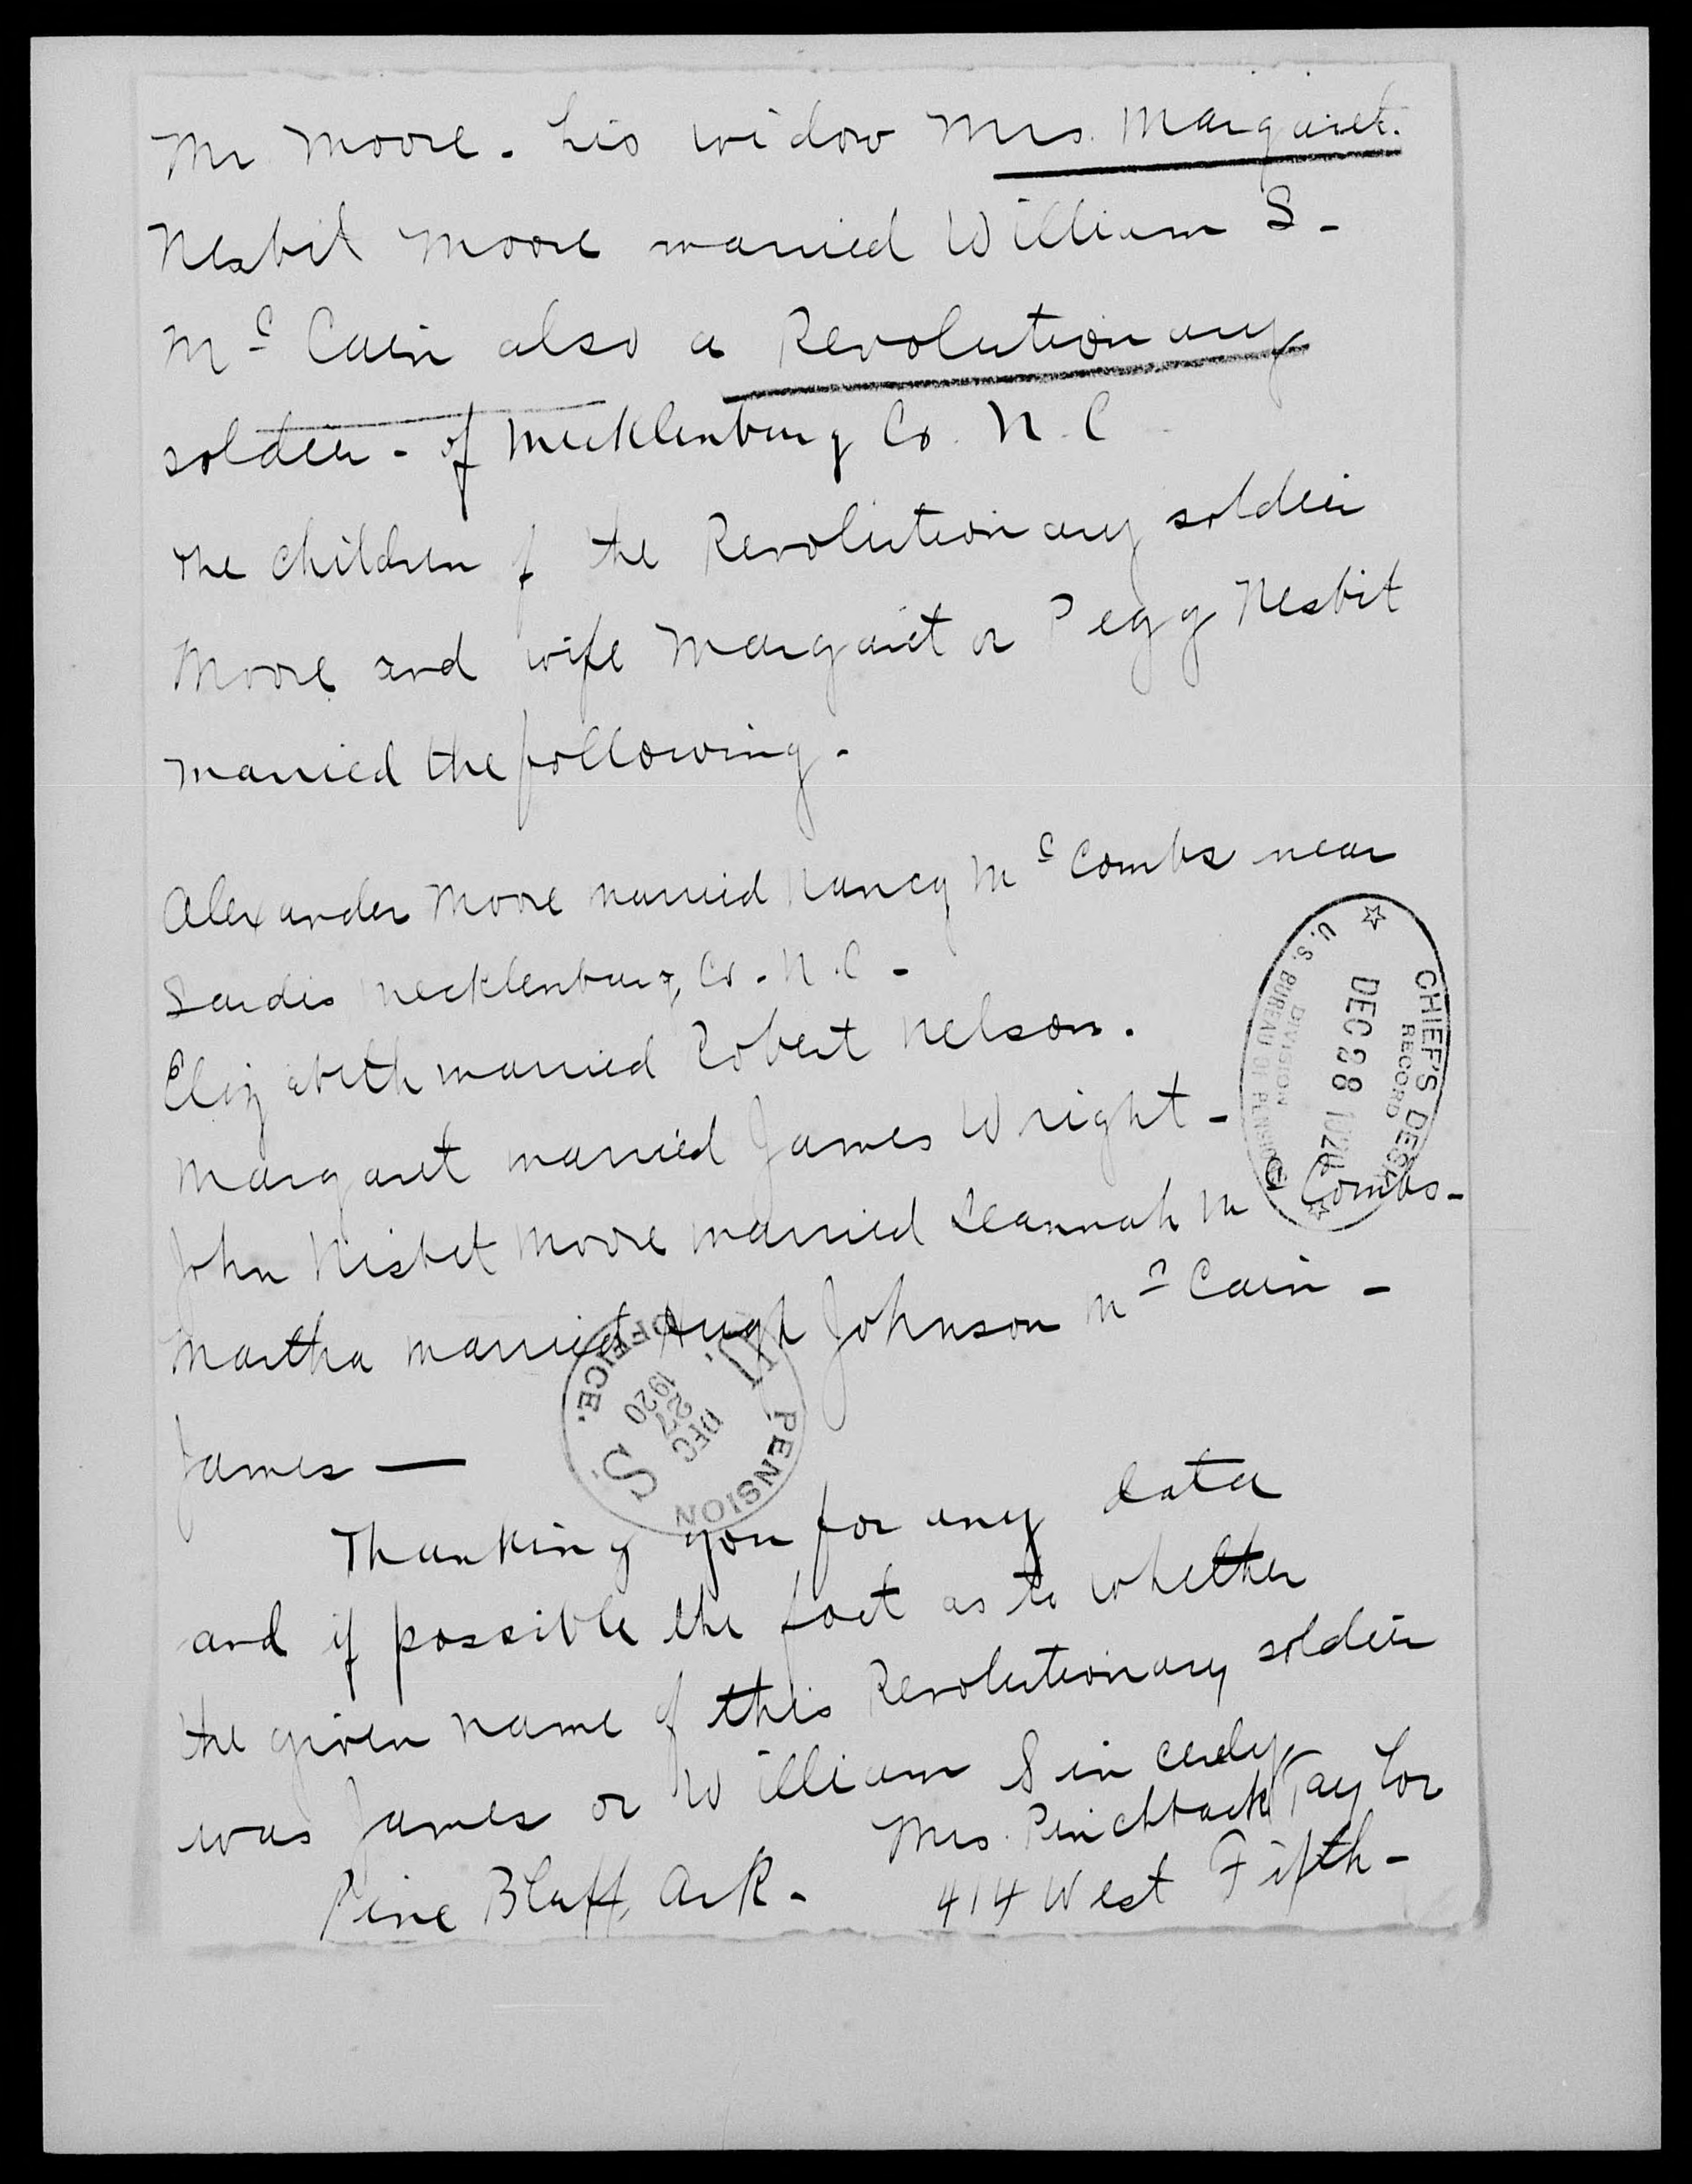Mr Moore his widow Mrs Margaret Nesbit Moore married William S McCain also a Revolutionary soldier of Mucklenburg Co NC the children of the Revolutionary soldier Moore and wife Margaret or Peggy Nesbit married the following
Alexander Moore married Nancy McCombs near Sardis Mecklenburg Co NC
Elizabeth married Robert Nelson
Margaret married James Wright
John Nesbit Moore married Leannah McCombs
Martha married Hugh Johnson McCain
James
Thanking you for my data and possible the fact as to whether the given name of this Revolutionary soldier was James or William
Sincerely
Mrs Pinchback Taylor
414 West Fifth
Pine Bluff Ark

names: Alexander Moore; James Wright; William S Mc Cain; Margaret Wright; Nancy Mc Combs; Leannah Mc Combs; John Nisbet Moore; Margaret Nesbit; Johnson Mc Cain; [BLANK] Pinchback; Martha Mc Cain; Margaret Nesbit Moore; Pegg Nesbit; James [BLANK]; William [BLANK]; Robert Nelson; Elizabeth Nelson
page: 11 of 17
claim: rejected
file: R 7329, for James More, South Carolina